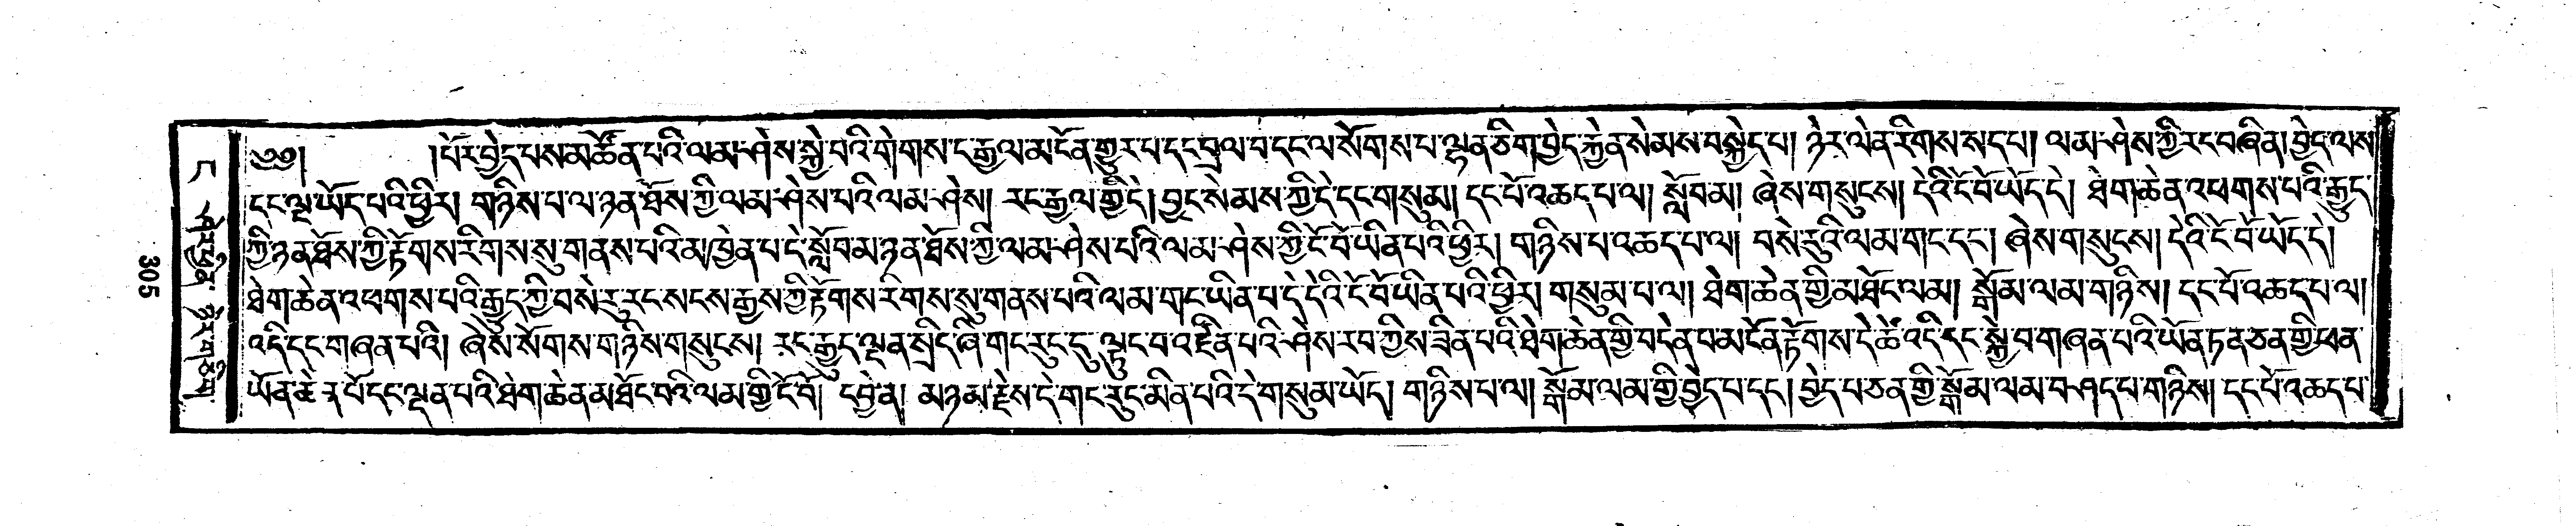༄༅། །པོར་བྱེད་པས་མཚོན་པའི་ལམ་ཤེས་སྐྱེ་བའི་གེགས་ང་རྒྱལ་མངོན་གྱུར་པ་དང་བྲལ་བ་དང་ལ་སོགས་པ་ལྷན་ཅིག་བྱེད་རྐྱེན་སེམས་བསྐྱེད་པ། ཉེར་ལེན་རིགས་སད་པ། ལམ་ཤེས་ཀྱི་རང་བཞིན། བྱེད་ལས་
དང་ལྔ་ཡོད་པའི་ཕྱིར། གཉིས་པ་ལ་ཉན་ཐོས་ཀྱི་ལམ་ཤེས་པའི་ལམ་ཤེས། རང་རྒྱལ་གྱི་དེ། བྱང་སེམས་ཀྱི་དེ་དང་གསུམ། དང་པོ་འཆད་པ་ལ། སློབ་མ། ཞེས་གསུངས། དེའི་ངོ་བོ་ཡོད་དེ། ཐེག་ཆེན་འཕགས་པའི་རྒྱུད་
ཀྱི་ཉན་ཐོས་ཀྱི་རྟོགས་རིགས་སུ་གནས་པའི་མཁྱེན་པ་དེ་སློབ་མ་ཉན་ཐོས་ཀྱི་ལམ་ཤེས་པའི་ལམ་ཤེས་ཀྱི་ངོ་བོ་ཡིན་པའི་ཕྱིར། གཉིས་པ་འཆད་པ་ལ། བསེ་རུའི་ལམ་གང་དང་། ཞེས་གསུངས། དེའི་ངོ་བོ་ཡོད་དེ།
ཐེག་ཆེན་འཕགས་པའི་རྒྱུད་ཀྱི་བསེ་རུ་རང་སངས་རྒྱས་ཀྱི་རྟོགས་རིགས་སུ་གནས་པའི་ལམ་གང་ཡིན་པ་དེ་དེའི་ངོ་བོ་ཡིན་པའི་ཕྱིར། གསུམ་པ་ལ། ཐེག་ཆེན་གྱི་མཐོང་ལམ། སྒོམ་ལམ་གཉིས། དང་པོ་འཆད་པ་ལ།
འདི་དང་གཞན་པའི། ཞེས་སོགས་གཉིས་གསུངས། རང་རྒྱུད་ལྡན་སྲིད་ཞི་གང་རུང་དུ་ལྟུང་བ་འཛིན་པའི་ཤེས་རབ་ཀྱིས་ཟིན་པའི་ཐེག་ཆེན་གྱི་བདེན་པ་མངོན་རྟོགས་དེ་ཚེ་འདི་དང་སྐྱེ་བ་གཞན་པའི་ཡོན་ཏན་ཅན་གྱི་ཕན་
ཡོན་ཆེན་པོ་དང་ལྡན་པའི་ཐེག་ཆེན་མཐོང་བའི་ལམ་གྱི་ངོ་བོ། དབྱེ་ན། མཉམ་རྗེས་དེ་གང་རུང་མིན་པའི་དེ་གསུམ་ཡོད། གཉིས་པ་ལ། སྒོམ་ལམ་གྱི་བྱེད་པ་དང་། བྱེད་པ་ཅན་གྱི་སྒོམ་ལམ་བཤད་པ་གཉིས། དང་པོ་འཆད་པ་